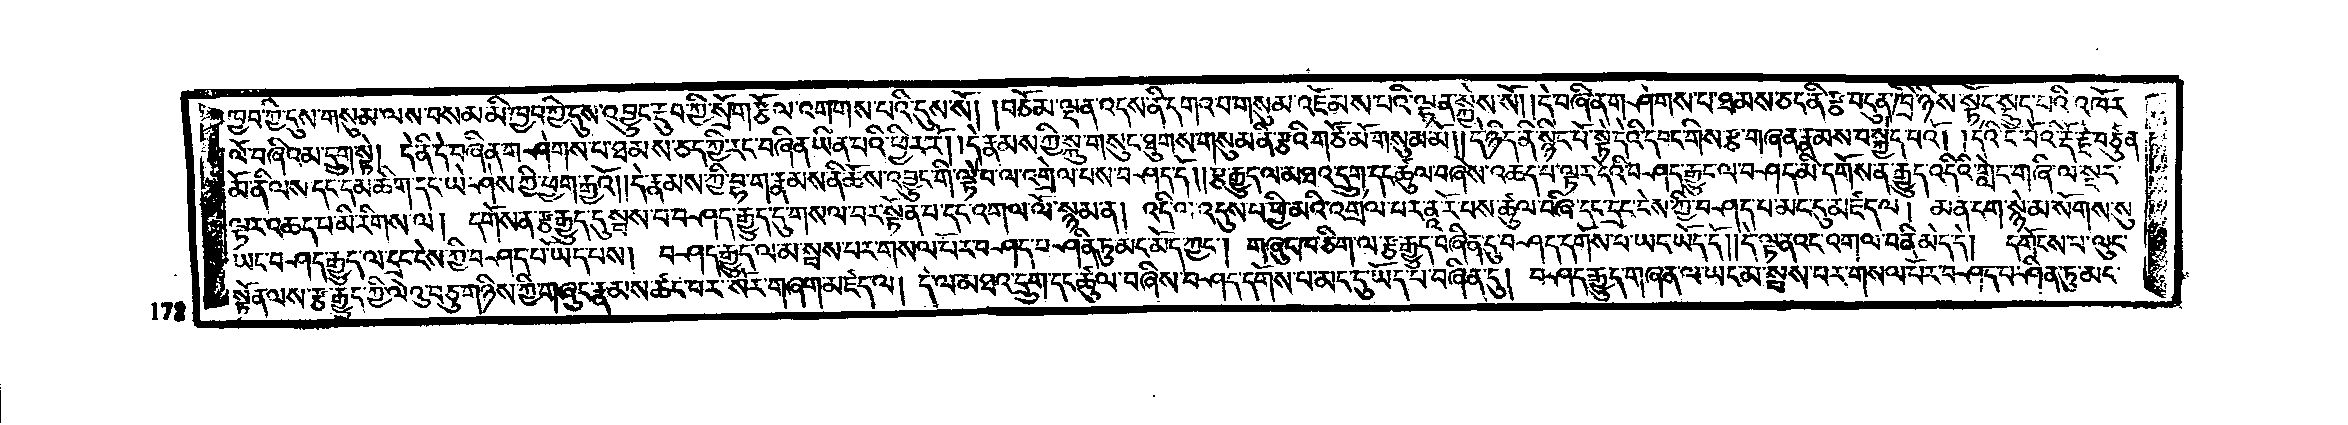ཁྱབ་ཀྱི་དུས་གསུམ་ལས་བསམ་མི་ཁྱབ་ཀྱི་དུས་འབྱུང་རྡུབ་ཀྱི་སྲོག་རྩོལ་འགགས་པའི་དུས་སོ། །བཅོམ་ལྡན་འདས་ནི་དགའ་བ་གསུམ་འཇོམས་པའི་ལྷན་སྐྱེས་སོ། །དེ་བཞིན་གཤེགས་པ་ཐམས་ཅད་ནི་རྩ་བདུན་ཁྲི་ཉིས་སྟོང་སྡུད་པའི་འཁོར་
ལོ་བཞིའམ་དྲུག་སྟེ། དེ་ནི་དེ་བཞིན་གཤེགས་པ་ཐམས་ཅད་ཀྱི་རང་བཞིན་ཡིན་པའི་ཕྱིར་རོ། །དེ་རྣམས་ཀྱི་སྐུ་གསུང་ཐུགས་གསུམ་ནི་རྩའི་གཙོ་མོ་གསུམ་མོ། །དེ་ཉིད་ནི་སྙིང་པོ་སྟེ་དེའི་དབང་གིས་རྩ་གཞན་རྣམས་བསྐྱེད་པའོ། །དེའི་ངོ་བོའི་རྡོ་རྗེ་བཙུན་
མོ་ནི་ལས་དང་དམ་ཚིག་དང་ཡེ་ཤེས་ཀྱི་ཕྱག་རྒྱའོ། །དེ་རྣམས་ཀྱི་བྷ་ག་རྣམས་ནི་ཆོས་འབྱུང་གི་ལྟེ་བ་ལ་འགྲེལ་པས་བཤད་དོ། །རྩ་རྒྱུད་ལ་མཐའ་དྲུག་དང་ཚུལ་བཞིས་འཆད་པ་ལྟར་དེའི་བཤད་རྒྱུད་ལ་བཤད་མི་དགོས་ན་རྒྱུད་འདིའི་གླེང་གཞི་ལ་སྔར་
ལྟར་འཆད་པ་མི་རིགས་ལ། དགོས་ན་རྩ་རྒྱུད་དུ་སྦས་པ་བཤད་རྒྱུད་དུ་གསལ་བར་སྟོན་པ་དང་འགལ་ལོ་སྙམ་ན། འདི་ལ་འདུས་པ་ཕྱི་མའི་འགྲེལ་པར་ནཱ་རོ་པས་ཚུལ་བཞི་དང་དྲང་ངེས་ཀྱི་བཤད་པ་མང་དུ་མཛད་ལ། མན་ངག་སྙེ་མ་སོགས་སུ་
ཡང་བཤད་རྒྱུད་ལ་དྲང་ངེས་ཀྱི་བཤད་པ་ཡོད་པས། བཤད་རྒྱུད་ལ་མ་སྦས་པར་གསལ་པོར་བཤད་པ་ཤིན་ཏུ་མང་མོད་ཀྱང་། གཞུང་ཁ་ཅིག་ལ་རྩ་རྒྱུད་བཞིན་དུ་བཤད་དགོས་པ་ཡང་ཡོད་དོ། །དེ་ལྟ་ནའང་འགལ་བ་ནི་མེད་དེ། དགོངས་པ་ལུང་སྟོན་ལས་རྩ་རྒྱུད་ཀྱི་ལེའུ་བཅུ་གཉིས་ཀྱི་གཞུང་རྣམས་ཚང་བར་སོར་གཞག་མཛད་ལ། དེ་ལ་མཐའ་དྲུག་དང་ཚུལ་བཞིས་བཤད་དགོས་པ་མང་དུ་ཡོད་པ་བཞིན་དུ། བཤད་རྒྱུད་གཞན་ལ་ཡང་མ་སྦས་པར་གསལ་པོར་བཤད་པ་ཤིན་ཏུ་མང་